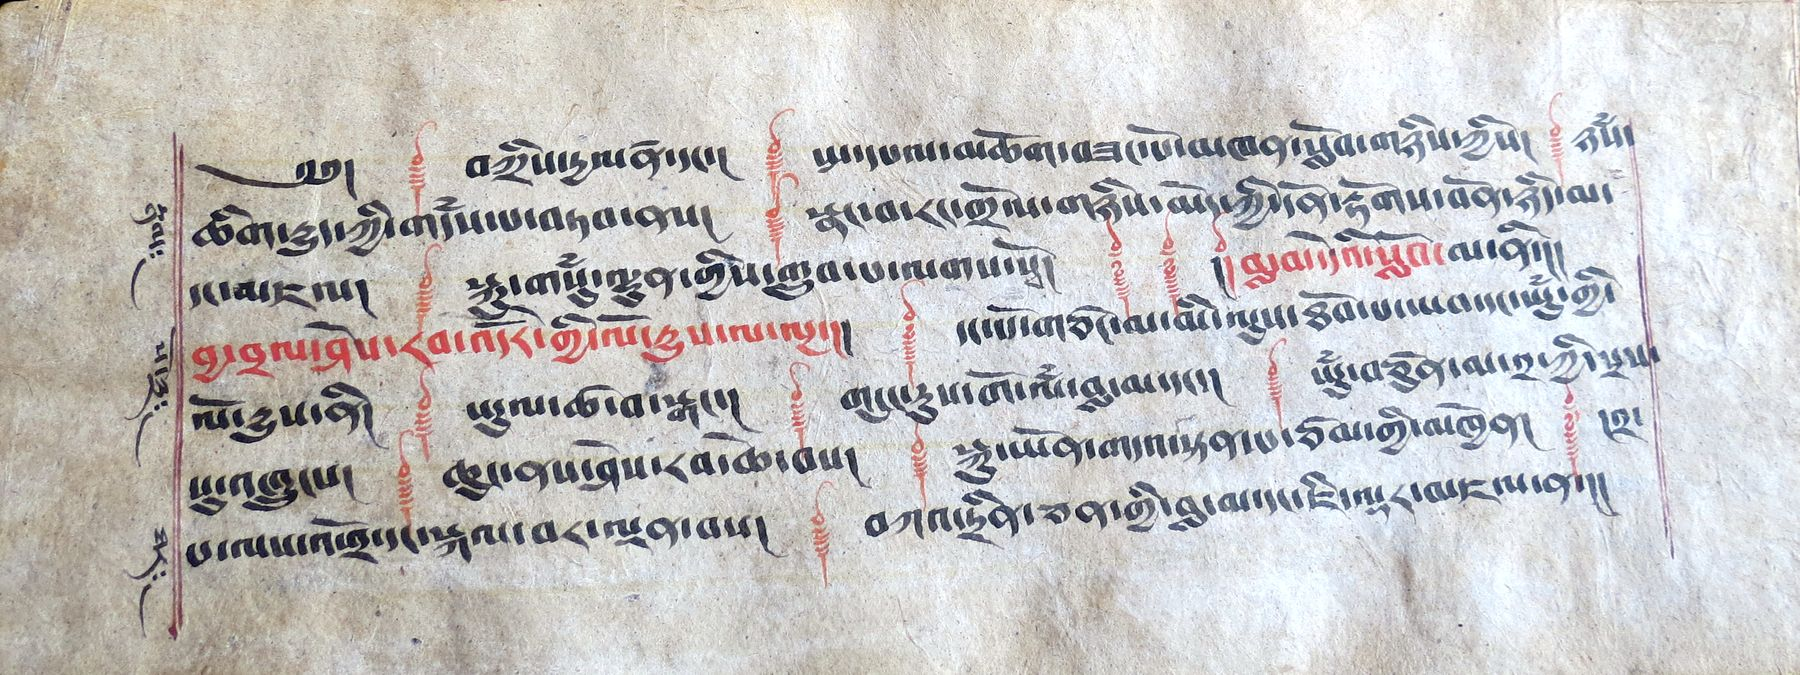བཀྲ་ཤིས་རྒྱལ་མཚན་དང་། སྤ་དཔལ་མཆོག་བཟང་པོ་མཁན་སློབ་གཉིས་ཀྱིས། ཉམས་
ཆིག་རྒྱུད་ཀྱི་གདམས་པ་བཏབ་ནས་སྣང་བ་རང་གྲོལ་གཉིས་མེད་ཀྱི་དོན་རྟོགས། བོན་ཉིད་མ་
དང་མཇལ། སྐུ་གསུམ་ལྷུན་གྱིས་གྲུབ་པ་ལགས་སོ། ། བླ་མ་དེའི་སློབ་མ་ནི། 
བྱ་བྲལ་ཤེས་རབ་འོད་ཟེར་གྱི་ལོ་རྒྱུས་ལ་ལྔ། དང་པོ་གཙང་མ་མི་ལུས་ཐོབ་པ་ཡབ་དང་ཡུམ་གྱི་
ལོ་རྒྱུས་ནི། ཡུལ་ཚ་བ་སྒང་། གདུང་རུས་གོ་ལམ། ཡབ་གོལ་ལམ་བླ་མ་དང་། ཡུམ་བཙུན་མ་གཉིས་ཀྱི་སྲས་
སུ་འཁྲུངས། ཆུང་ནས་ཤེས་རབ་ཆེ་བས་སྐུ་ཡོན་བརྡའ་བསྟན་པ་ཙམ་གྱིས་མཁྱེན། གཉིས་
པ་ལས་འཕྲོ་དང་སྐལ་པར་ལྡན་པས་བཀའ་དྲིན་ཅན་གྱི་བླ་མ་དང་ཅི་ལྟར་མཇལ་ན།